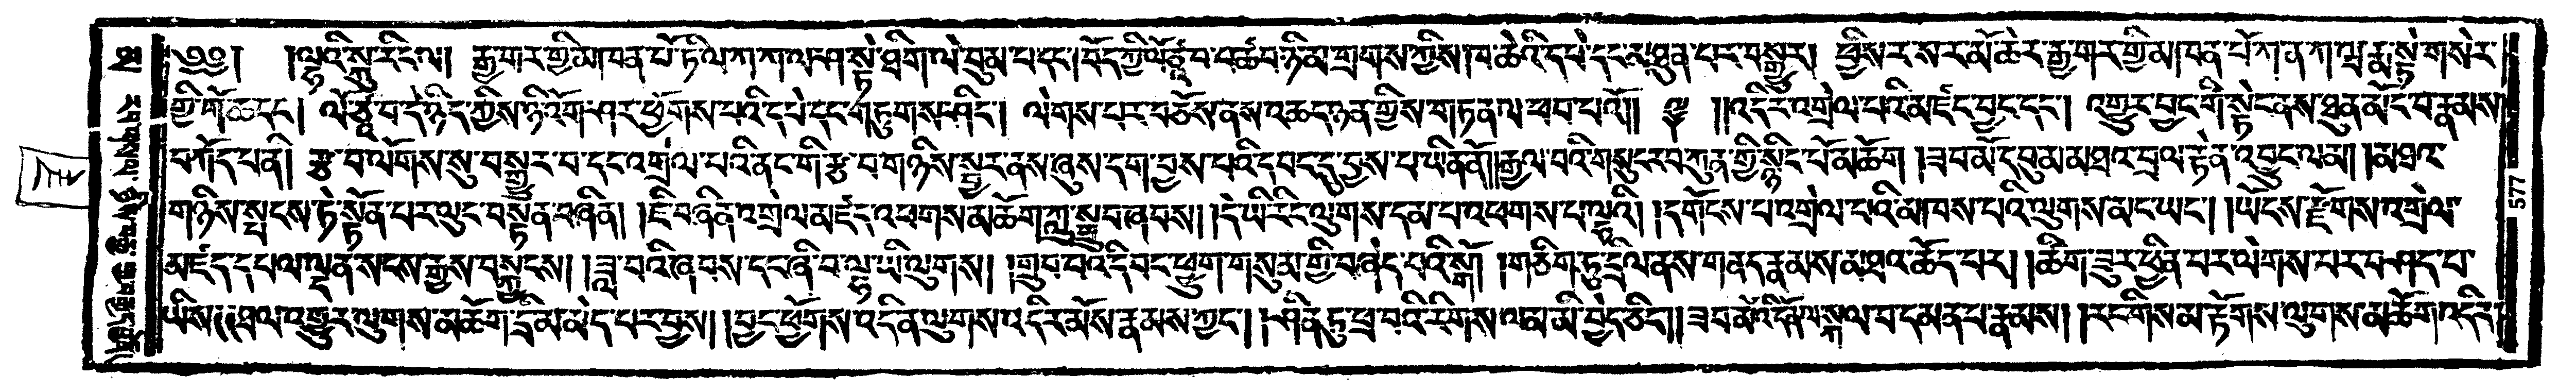༄༅། །ལྷའི་སྐུ་རིང་ལ། རྒྱ་གར་གྱི་མཁན་པོ་ཏི་ལ་ཀ་ཀ་ལ་ཤ་སྟེ་ཐིག་ལེ་བུམ་པ་དང་། བོད་ཀྱི་ལོ་ཙཱ་བ་པ་ཚབ་ཉི་མ་གྲགས་ཀྱིས་ཁ་ཆེའི་དཔེ་དང་མཐུན་པར་བསྒྱུར། ཕྱིས་ར་ས་ར་མོ་ཆེར་རྒྱ་གར་གྱི་མཁན་པོ་ཀ་ན་ཀ་ཝ་རྨ་སྟེ་གསེར་
གྱི་གོ་ཆ་དང་། ལོ་ཙཱ་བ་དེ་ཉིད་ཀྱིས་ཉི་འོག་ཤར་ཕྱོགས་པའི་དཔེ་དང་གཏུགས་ཤིང་། ལེགས་པར་བཅོས་ནས་འཆད་ཉན་གྱིས་གཏན་ལ་ཕབ་པའོ།། ༈ །།འདིའི་འགྲེལ་པའི་མཛད་བྱང་དང་། འགྱུར་བྱང་གི་སྟེང་ནས་ཐུན་མོང་བ་རྣམས་
བཀོད་པ་ནི། རྩ་བ་ལོགས་སུ་བསྒྱུར་བ་དང་འགྲེལ་པའི་ནང་གི་རྩ་བ་གཉིས་སྦྱར་ནས་ཞུས་དག་བྱས་པའི་དབང་དུ་བྱས་པ་ཡིན་ནོ། །རྒྱལ་བའི་གསུང་རབ་ཀུན་གྱི་སྙིང་པོ་མཆོག །ཟབ་མོ་དབུ་མ་མཐའ་བྲལ་རྟེན་འབྱུང་ལམ། །མཐའ་
གཉིས་སྤངས་ཏེ་སྟོན་པར་ལུང་བསྟན་བཞིན། །ཇི་བཞིན་འགྲེལ་མཛད་འཕགས་མཆོག་ཀླུ་སྒྲུབ་ཞབས། །དེ་ཡི་རིང་ལུགས་དམ་པ་འཕགས་པ་ལྷའི། །དགོངས་པ་འགྲེལ་པའི་མཁས་པའི་ལུགས་མང་ཡང་། །ཡོངས་རྫོགས་འགྲེལ་
མཛད་དཔལ་ལྡན་སངས་རྒྱས་བསྐྱངས། །ཟླ་བའི་ཞབས་དང་ཞི་བ་ལྷ་ཡི་ལུགས། །གྲུབ་པའི་དབང་ཕྱུག་གསུམ་གྱི་བཞེད་པའི་སྒོ། །གཅིག་ཏུ་དྲིལ་ནས་གནད་རྣམས་མཐའ་ཆོད་པར། །ཚིག་ཟུར་ཕྱིན་པར་ལེགས་པར་བཤད་པ་
ཡིས༑ ༑ཐལ་འགྱུར་ལུགས་མཆོག་དྲི་མ་མེད་པར་བྱས། །བྱང་ཕྱོགས་འདི་ན་ལུགས་འདིར་མོས་རྣམས་ཀྱང་། །ཤིན་ཏུ་ཕྲ་བའི་རིགས་ལམ་མི་བྱེད་ཅིང་། །ཟབ་མོའི་དོན་ལ་སྐལ་བ་དམན་པ་རྣམས། །རང་གིས་མ་རྟོགས་ལུགས་མཆོག་འདིར་